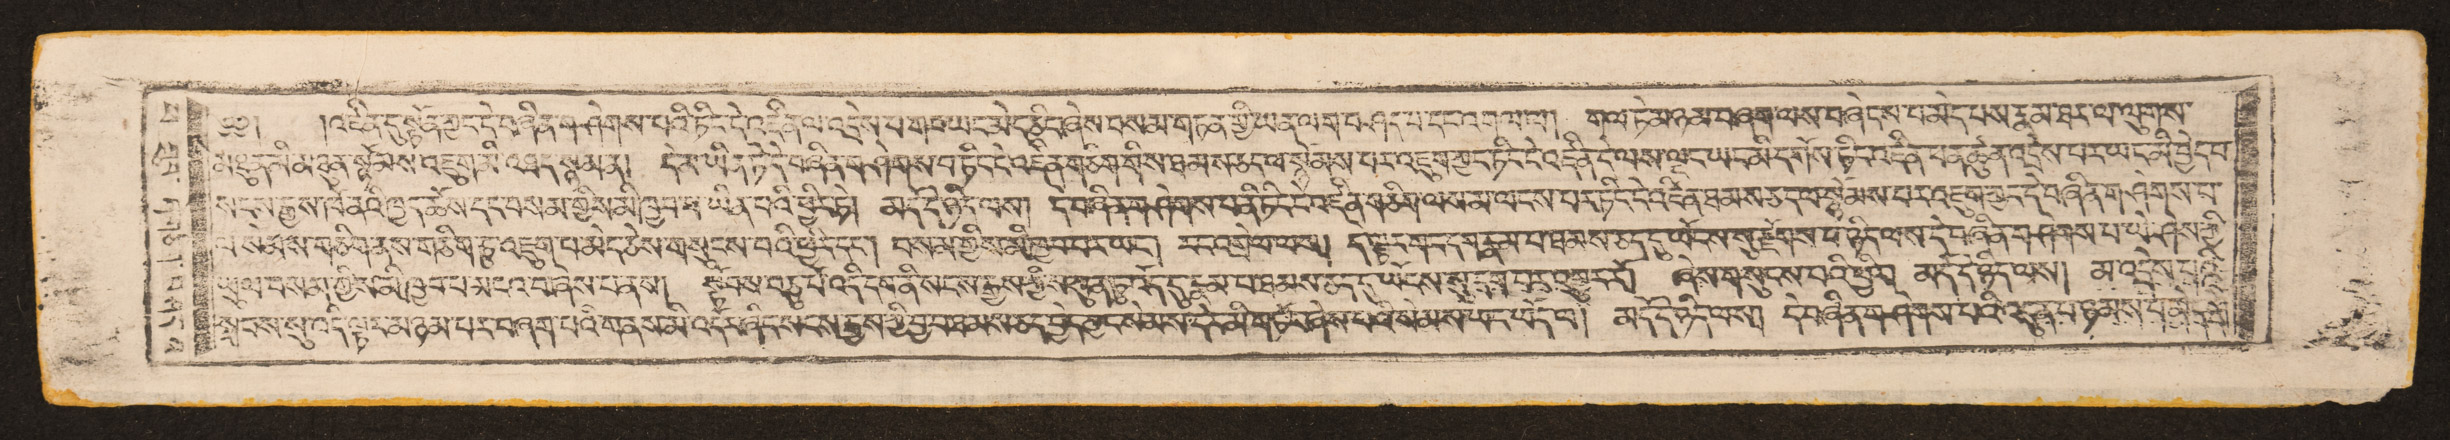༄༅། །འཛིན་དུ་སྟོན་ཀྱང་དེ་བཞིན་གཤེགས་པའི་ཏིང་ངེ་འཛིན་ལ་འདྲེས་པ་གང་ཡང་མེད་ཅིང་ཞེས་བསམ་གཏན་གྱི་ཡན་ལག་བཤད་བ་དང་འགལ་ལ། གལ་ཏེ་མཉམ་བཞག་ལས་བཞེངས་པ་མེད་པས་རྣམ་ཐར་ལ་ལུགས་
མཐུན་མི་མཐུན་སྙོམས་འཇུག་མི་འཐད་སྙམ་ན། དེ་མ་ཡིན་ཏེ་དེ་བཞིན་གཤེགས་པ་ཏིང་ངེ་འཛིན་གཅིག་གིས་ཐམས་ཅད་ལ་སྙོམས་པར་འཇུག་ཀྱང་ཏིང་ངེ་འཛིན་དེ་ལས་ལྡང་ཡང་མི་དགོས་ཏིང་འཛིན་ཕན་ཚུན་འདྲེས་པར་ཡང་མི་བྱེད་བ་
སངས་རྒྱས་ཁོ་ནའི་ཁྱད་ཆོས་དང་བསམ་གྱིས་མི་ཁྱབ་བ་ཡིན་པའི་ཕྱིར་ཏེ། མདོ་དེ་ཉིད་ལས། དེ་བཞིན་གཤེགས་པ་ནི་ཏིང་ངེ་འཛིན་གཅིག་ལས་མ་ལངས་བར་ཏིང་ངེ་འཛིན་ཐམས་ཅད་ལ་སྙོམས་པར་འཇུག་ཀྱང་དེ་བཞིན་གཤེགས་པ་
ལ་སེམས་གཅིག་ནས་གཅིག་ཏུ་འཇུག་པ་མེད་ཅེས་གསུངས་པའི་ཕྱིར་དང་། བསམ་གྱིས་མི་ཁྱབ་པར་ཡང་། རང་འགྲེལ་ལས། དེ་ལྟར་གང་དག་?་རྣམ་པ་ཐམས་ཅད་དུ་ཡོངས་སུ་རྫོགས་པ་ཉིད་ལས་དེ་བཞིན་གཤེགས་པ་ཡེ་ཤེས་ཀྱི་
ཡུལ་བསམ་གྱིས་མི་ཁྱབ་པ་མངའ་བ་ཞེས་པ་ནས། སྟོབས་བཅུ་པོ་འདི་དག་ནི་སངས་རྒྱས་ཀྱིས་ཀུན་ཏུ་འོད་དུ་རྣམ་པ་ཐམས་ཅད་དུ་ཡོངས་སུ་དག་པར་འགྱུར་རོ། ཞེས་གསུངས་པའི་ཕྱིར། མདོ་དེ་ཉིད་ལས། མ་འདེས་པའི་
སྐབས་སུ་འདི་ལྟར་མཉམ་བར་བཞག་པའི་གནས་མི་འདོར་ཞིང་སངས་རྒྱས་ཀྱི་བྱ་བ་ཐམས་ཅད་བྱེད་ཀྱང་སེམས་དེར་མི་གཏོང་ཞེས་བའི་སེམས་ཡང་ཡོད་ལ། མདོ་དེ་ཉིད་ལས། དེ་བཞིན་གཤེགས་པའི་འདུན་པ་ཉམས་པ་མེད་དོ།